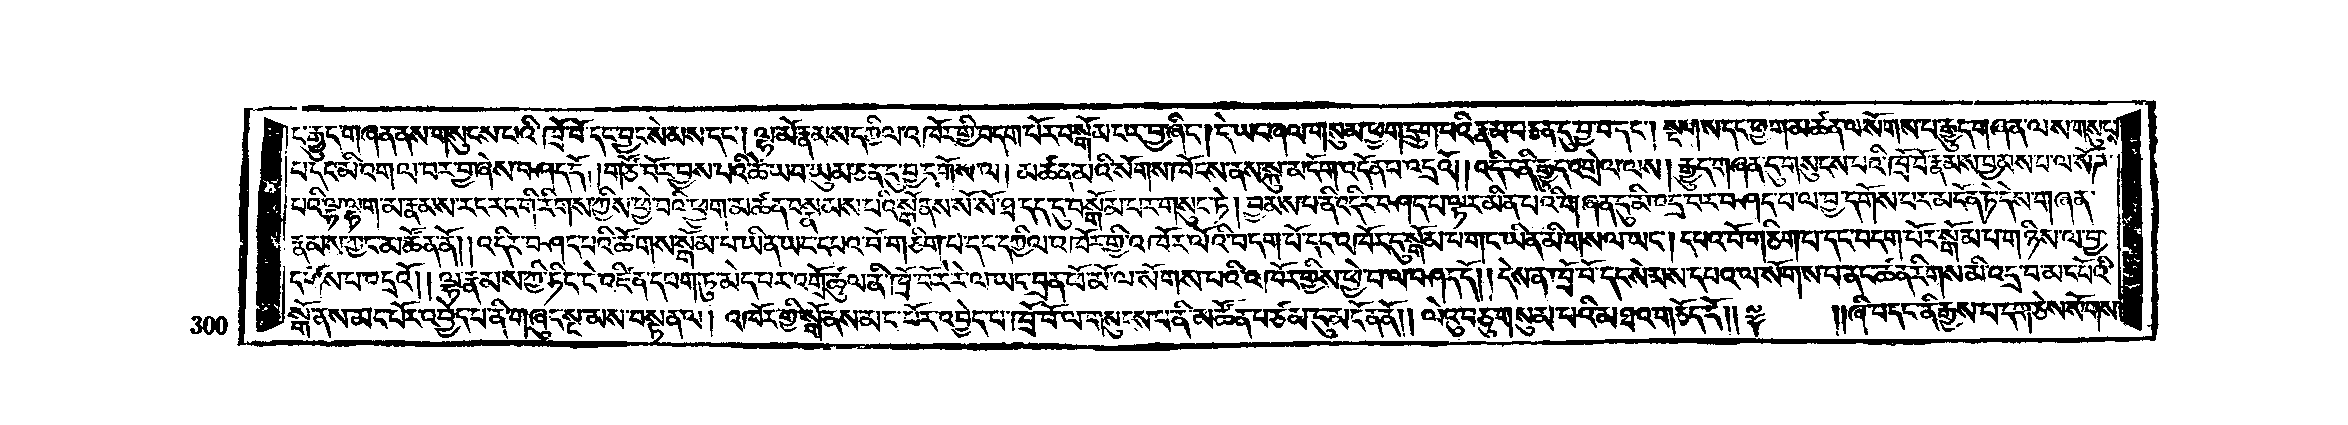པ་རྒྱུད་གཞན་ནས་གསུངས་པའི་ཁྲོ་བོ་དང་བྱང་སེམས་དང་། ལྷ་མོ་རྣམས་དཀྱིལ་འཁོར་གྱི་བདག་པོར་བསྒོམ་པར་བྱ་ཞིང་། དེ་ཡང་ཞལ་གསུམ་ཕྱག་དྲུག་པའི་རྣམ་པ་ཅན་དུ་བྱ་བ་དང་། སྔགས་དང་ཕྱག་མཚན་ལ་སོགས་པ་རྒྱུད་གཞན་ལས་གསུངས་
པ་དང་མི་འགལ་བར་བྱ་ཞེས་བཤད་དོ། །གཙོ་བོར་བྱས་པའི་ཚེ་ཡབ་ཡུམ་ཅན་དུ་བྱ་དགོས་ལ། མཚན་མའི་སོགས་ཁོངས་ནས་སྐུ་མདོག་འདོན་པ་འདྲའོ། །འདིར་ནི་རྒྱུད་འགྲེལ་ལས། རྒྱུད་གཞན་དུ་གསུངས་པའི་ཁྲོ་བོ་རྣམས་བྱམས་པ་ལ་སོགས་
པའི་ལྷ་ལྷག་མ་རྣམས་རང་རང་གི་རིགས་ཀྱིས་ཕྱེ་བའི་ཕྱག་མཚན་བསྣམས་པའི་སྒོ་ནས་སོ་སོ་ཐ་དད་དུ་བསྒོམ་པར་གསུང་ཏེ། བྱམས་པ་ནི་འདིར་བཤད་པ་ལྟར་མིན་པའི་གཞན་དུ་མི་འདྲ་བར་བཤད་པ་ལ་བྱ་དགོས་པར་མངོན་ཏེ་དེས་གཞན་
རྣམས་ཀྱང་མཚོན་ནོ། །འདིར་བཤད་པའི་ཆོ་གས་སྒོམ་པ་ཡིན་ཡང་དཔའ་བོ་གཅིག་པ་དང་དཀྱིལ་འཁོར་གྱི་འཁོར་ལོའི་བདག་པོ་དང་འཁོར་དུ་སྒོམ་པ་གང་ཡིན་མི་གསལ་ཡང་། དཔའ་བོ་གཅིག་པ་དང་བདག་པོར་སྒོམ་པ་གཉིས་ལ་བྱ་
དགོས་པ་འདྲའོ། །ལྷ་རྣམས་ཀྱི་ཏིང་ངེ་འཛིན་དཔག་ཏུ་མེད་པར་འགྲོ་ཚུལ་ནི་ཁྲོ་བོ་རེ་རེ་ལ་ཡང་བྲན་ཕོ་མོ་ལ་སོགས་པའི་འཁོར་གྱིས་ཕྱེ་བ་ལ་བཤད་དོ། །དེས་ན་ཁྲོ་བོ་དང་སེམས་དཔའ་ལ་སོགས་པ་ནང་ཚན་རིགས་མི་འདྲ་བ་མང་པོའི་
སྒོ་ནས་མང་པོར་འབྱེད་པ་ནི་གཞུང་སྔ་མས་བསྟན་ལ། འཁོར་གྱི་སྒོ་ནས་མང་པོར་འབྱེད་པ་ཁྲོ་བོ་ལ་གསུངས་པ་ནི་མཚོན་པ་ཙམ་དུ་མངོན་ནོ། །ལེའུ་བཅུ་གསུམ་པའི་མཐའ་གཅོད་དོ།། ༈ །།ཞི་བ་དང་ནི་རྒྱས་པ་དག་ཅེས་སོགས་